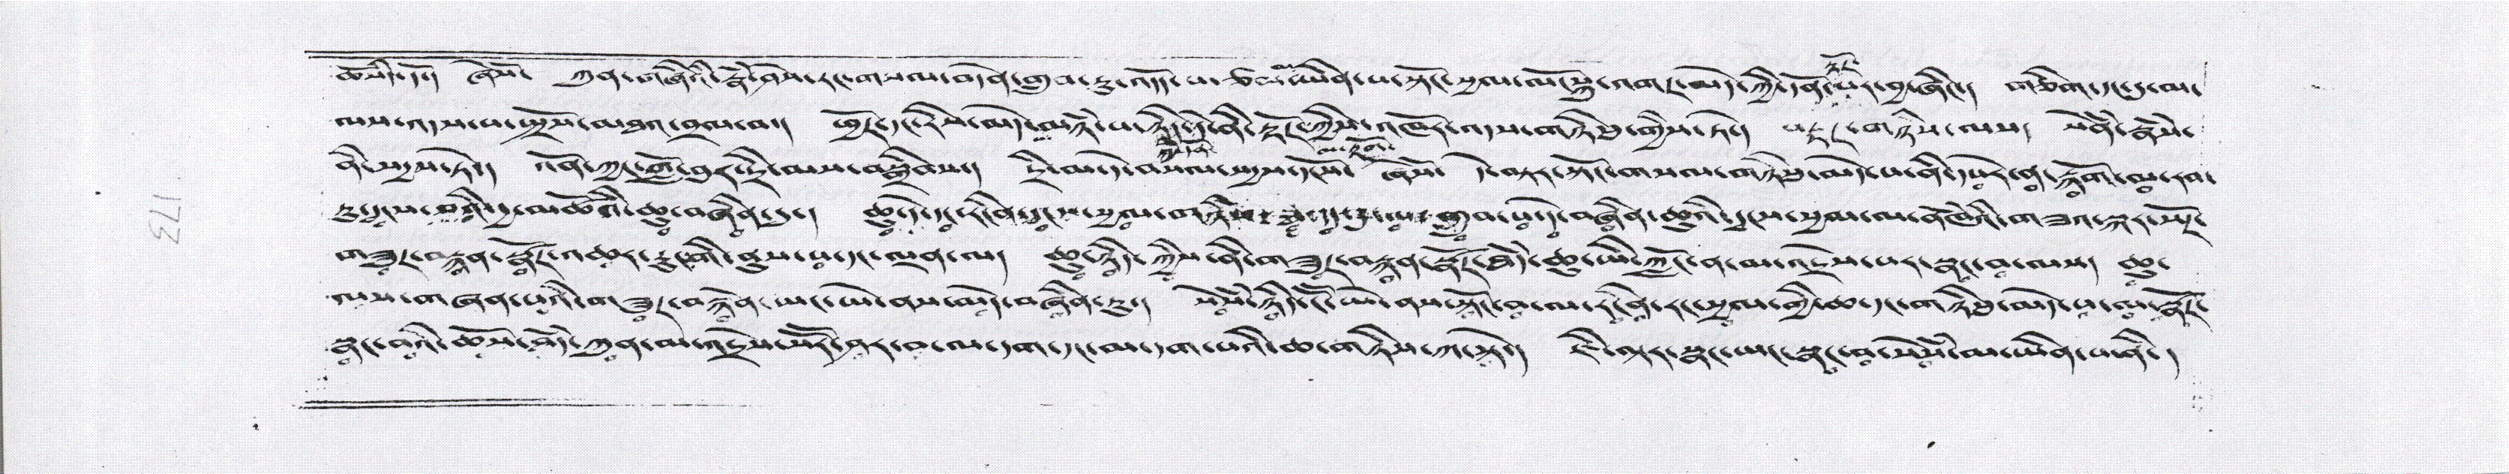ཆོས་ཉིད་དོ། ཞེས་སོ། ཀུན་གཞིའི་རྣམ་ཤེས་རང་གསལ་བདེན་གྲུབ་ཏུ་འདོད་པ་ཙམ་མ་ཡིན་པར་སྟོང་གསལ་ལོངས་སྐུ་འགག་མེད་ཀྱི་དོན་རྟོགས་པར་བྱ་ཞིང་། གཅིག་དང་དུ་མ་
ལས་འདས་པ་སྤྲོས་མཐའ་དང་བྲལ་བ། ཕྱོགས་དང་རིས་མེད་མཉམ་པ་ཉིད་ཀྱི་དོན་དེ་ནི་རྟོགས་མ་རྟོགས་ཀྱིས་འཁོར་འདས་གཉིས་སུ་གྱེས་ཏེ། བརྟག་གཉིས་ལས། སེམས་ཅན་རྣམས་
ནི་སངས་རྒྱས་ཏེ། འོན་ཀྱང་གློ་བུར་དྲི་མས་བསྒྲིབས། དྲི་མ་དེ་བསལ་སངས་རྒྱས་དངོས། ཞེས་སོ། དེ་ལྟར་སྟོང་གསལ་གཉིས་སུ་མེད་པ་ནི་དཔེར་ན་རྙོགས་མ་རབ་
ཏུ་དྭངས་པའི་རྒྱ་མཚོའི་ཆུ་བཞིན་དུ། ཆུ་དེ་དང་རང་བཞིན་དྭངས་གསལ་གཉིས་ཐ་དད་དུ་མ་གྲུབ་པ་དེ་བཞིན་ཆུ་ཡི་དྭངས་གསལ་ལ་ནམ་མཁའི་གཟའ་སྐར་སོགས་
གཟུགས་བརྙན་སྣ་ཚོགས་འཆར་རུང་གི་ནུས་པ་དང་ལྡན་པ། ཆུ་ཉིད་ཀྱིས་ནི་གཟུགས་བརྙན་སྣ་ཚོགས་ཐམས་ཅད་ཆུ་ཡི་ཀློང་ན་མ་འདྲེས་པར་སྣང་བ་ལས་ཆུ་
ལས་གཞན་པའི་གཟུགས་བརྙན་ཡང་ཡེ་ནས་མེད་པ་བཞིན་དུ། སེམས་ཉིད་ངོ་བོ་ཡེ་ནས་སྟོང་པ་ལ་རང་བཞིན་རང་གསལ་གྱི་ཆ་དང་གཉིས་སུ་མེད་པ་ལ་སྣ་ཚོགས་
སྣང་བའི་ཆོས་ཐམས་ཅད་ཀུན་མ་འདྲེས་སོ་སོར་ཤར་བ་ལ་དག་དང་མ་དག་པའི་ཆ་གཉིས་ཀ་སྟེ། ཇི་ལྟར་སྣང་ཡང་སྣང་བ་སེམས་མ་ཡིན་ཏེ།